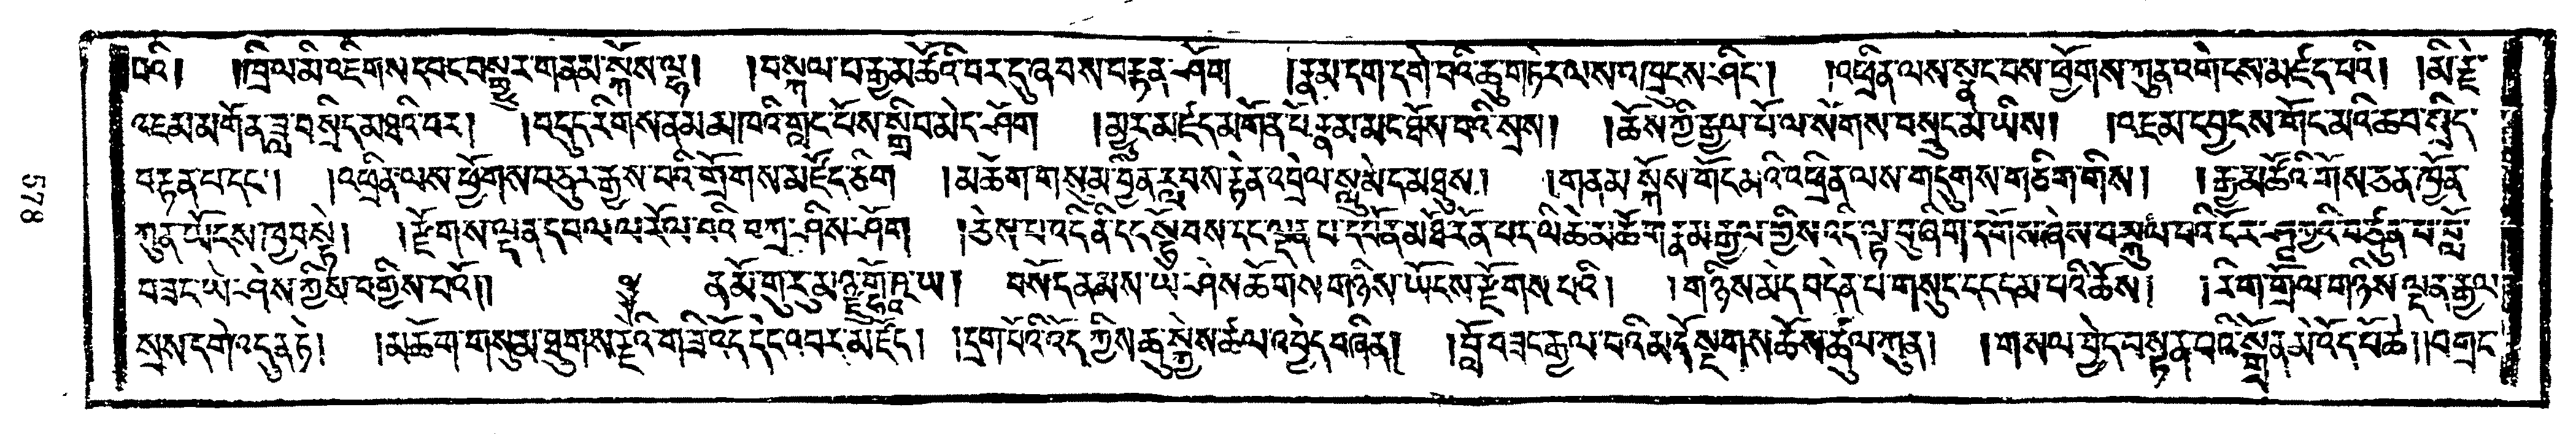བའི། །ཁྲི་ལ་མི་འཇིགས་དབང་བསྒྱུར་གནམ་སྐོས་ལྷ། །བསྐལ་པ་རྒྱ་མཚོའི་བར་དུ་ཞབས་བརྟན་ཤོག །རྣམ་དག་དགེ་བའི་ཆུ་གཏེར་ལས་འཁྲུངས་ཤིང་། །འཕྲིན་ལས་སྣང་བས་ཕྱོགས་ཀུན་འགེངས་མཛད་པའི། །མི་རྗེ་
འཇམ་མགོན་ཟླ་བ་སྲིད་མཐའི་བར། །བདུད་རིགས་ནམ་མཁའི་གླང་པོས་སྒྲིབ་མེད་ཤོག །མྱུར་མཛད་མགོན་པོ་རྣམ་མང་ཐོས་བའི་སྲས། །ཆོས་ཀྱི་རྒྱལ་པོ་ལ་སོགས་བསྲུང་མ་ཡིས། །འཇམ་དབྱངས་གོང་མའི་ཆབ་སྲིད་
བརྟན་པ་དང་། །འཕྲིན་ལས་ཕྱོགས་བཅུར་རྒྱས་པའི་གོགས་མཛོད་ཅིག །མཆོག་གསུམ་བྱིན་རླབས་རྟེན་འབྲེལ་སླུ་མེད་མཐུས། །གནམ་སྐོས་གོང་མའི་འཕྲིན་ལས་གདུགས་གཅིག་གིས། །རྒྱ་མཚོའི་གོས་ཅན་ཁྱོན་
ཀུན་ཡོངས་ཁྱབ་སྟེ། །རྫོགས་ལྡན་དཔལ་ལ་རོལ་བའི་བཀྲ་ཤིས་ཤོག །ཅེས་པ་འདི་ནི་དང་སྟོབས་དང་ལྡན་པ་དཔོན་མཐོ་རོན་པད་ལི་ཆེ་མཆོག་རྣམ་རྒྱལ་གྱིས་འདི་ལྟ་བུ་ཞིག་དགོས་ཞེས་བསྐུལ་པའི་ངོར་ཤཱཀྱའི་བཙུན་པ་བློ་
བཟང་ཡེ་ཤེས་ཀྱིས་བགྱིས་པའོ།། ༈ ན་མོ་གུ་རུ་མཉྫུ་གྷོ་ཥཱ་ཡ། བསོད་ནམས་ཡེ་ཤེས་ཆོགས་གཉིས་ཡོངས་རྫོགས་པའི། །གཉིས་མེད་བདེན་པ་གསུང་དང་དམ་པའི་ཆོས། །རིག་གྲོལ་གཉིས་ལྡན་རྒྱལ་
སྲས་དགེ་འདུན་ཏེ། །མཆོག་གསུམ་ཐུགས་རྗེའི་གཟི་འོད་དེང་འབར་མཛོད། །དྲག་པོའི་འོད་ཀྱིས་ཆུ་སྐྱེས་ཚལ་འབྱེད་བཞིན། །བློ་བཟང་རྒྱལ་བའི་མདོ་སྔགས་ཆོས་ཚུལ་ཀུན། །གསལ་བྱེད་བསྟན་པའི་སྒྲོན་མེ་འོད་པོ་ཆེ། །བགྲང་